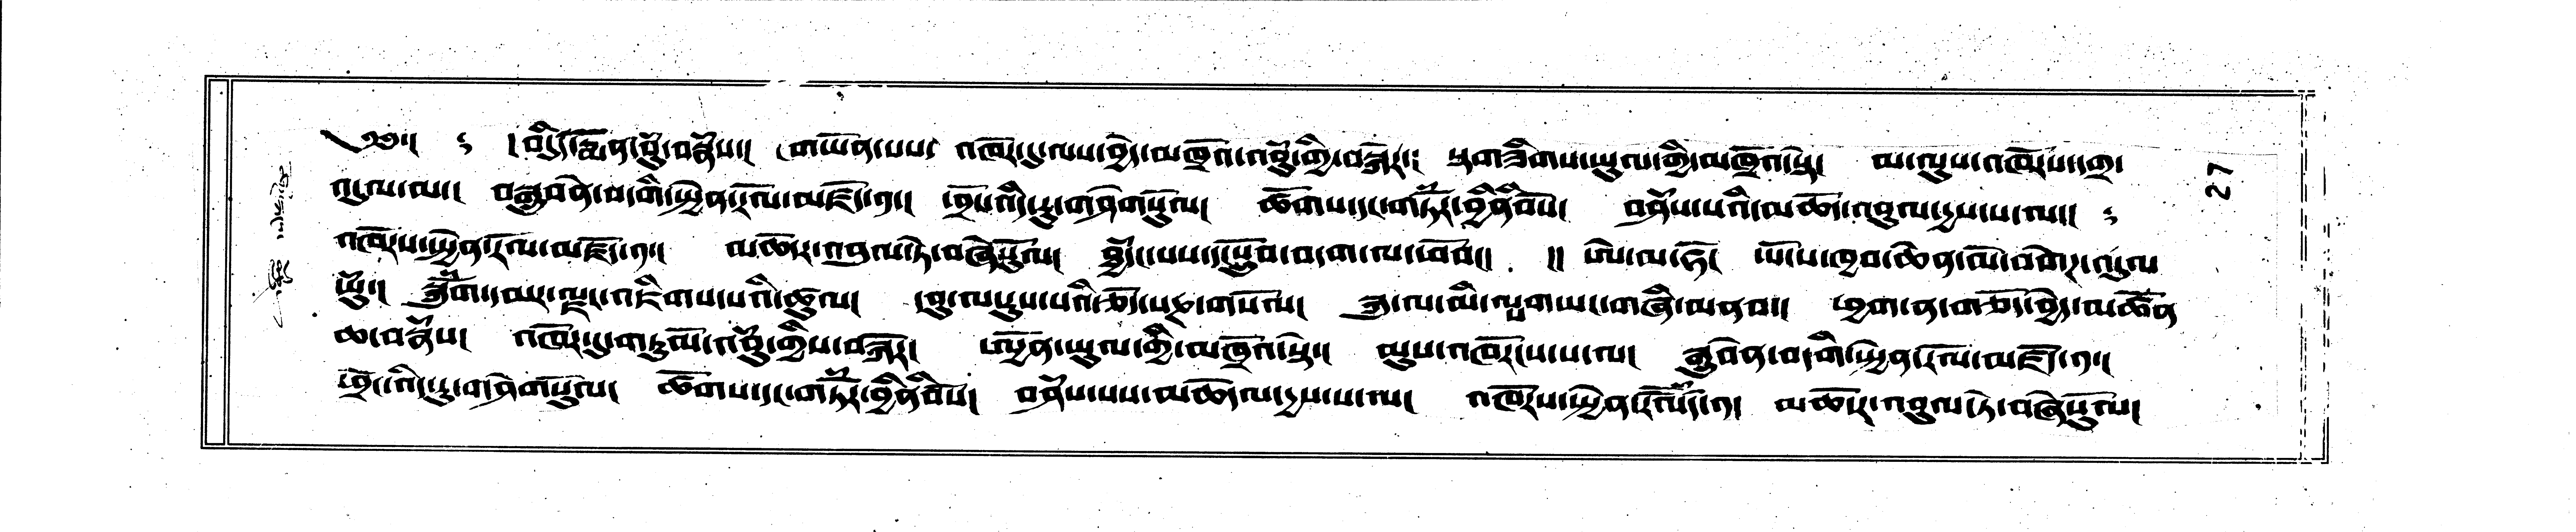བདུད་རྩི་སྨན་བུམ་བསྣམས། གཡོན་པས་འཁོར་དུ་ལས་བྱེད་མཁའ་འགྲོ་འབུམ་གྱིས་བསྐོར། སྟག་གཟིག་ཡུལ་གྱི་མཁའ་འགྲོ་སྟེ། མ་ལུས་འཁོར་འདས་དགྲ་
འདུལ་མ། སྒྲུབ་ཆེན་བདག་གིས་སྤྱན་འདྲེན་རོལ་མཛོད་ཅིག ཕོ་བྲང་འདི་རུ་གཤེགས་སུ་གསོལ། ཚོགས་དང་གཏོར་མ་བྱིན་གྱིས་རློབས། བཤམས་པའི་མཆོད་འབུལ་རྒྱས་པ་ལ། 
འཁོར་བཅས་སྤྱན་འདྲེན་རོལ་མཛོད་གཅིག མཆོད་པར་འབུལ་ཏེ་བཞེས་སུ་གསོལ། ཐུགས་དམ་བསྐང་པས་དངོས་གྲུབ་བདག་ལ་ཕོབ། །།ཨེ་མ་ཧོ། ཡོངས་ཁྱབ་ཆེན་མོ་བགེགས་འདུལ་
ཡུམ། སྐུ་མདོག་དམར་ལྗང་འཇིགས་པའི་ཚུལ། དབུ་ལ་རུས་པའི་ཅོད་པཎ་གསོལ། སྐུ་ལ་མི་ལྤགས་གཡང་གཞི་མནབ། ཕྱག་ན་གཅོད་བྱེད་མཚོན་
ཆ་བསྣམས། འཁོར་དུ་གཏུམ་མོ་འབུམ་གྱིས་བསྐོར། ཨོ་རྒྱན་ཡུལ་གྱི་མཁའ་འགྲོ་སྟེ། མ་ལུས་འཁོར་དང་བཅས་པ་ལ། སྒྲུབ་ཆེན་བདག་གིས་སྤྱན་འདྲེན་རོལ་མཛོད་ཅིག 
ཕོ་བྲང་འདི་རུ་གཤེགས་སུ་གསོལ། ཚོགས་དང་གཏོར་མ་བྱིན་གྱིས་རློབས། བཤམས་པས་མཆོད་འབུལ་རྒྱས་པ་ལ། འཁོར་བཅས་སྤྱན་འདྲེན་རོལ་མཛོད་ཅིག མཆོད་པར་འབུལ་ཏེ་བཞེས་སུ་གསོལ།